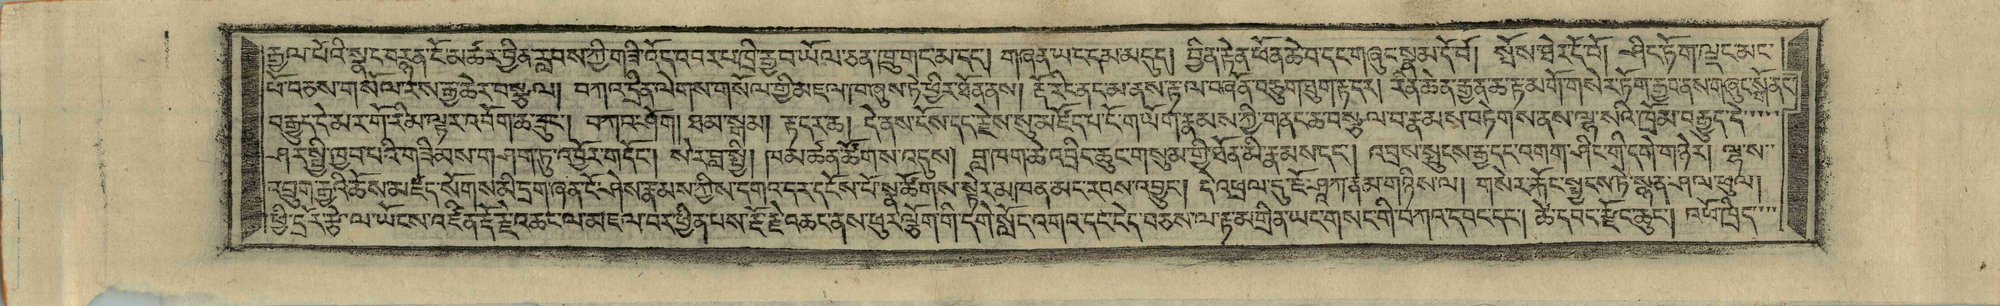རྒྱལ་པོའི་སྣང་བརྙན་ངོ་མཚར་བྱིན་རླབས་ཀྱི་གཟི་འོད་འབར་པ་ཁྲི་རྒྱབ་ཡོལ་ཅན་ཁྲུ་གང་མ་དང་། གཞན་ཡང་དམ་མདུད། བྱིན་རྟེན་ཕོན་ཆེ་བ་དང་གཞུང་སྣམ་དོ་བོ། སྤོས་ཐེར་ངོ་བོ། ཤིང་ཏོག་ལྡང་མང་
པོ་བཅས་གསོལ་རས་རྒྱ་ཆེར་བསྩལ། བཀའ་དྲིན་ལེགས་གསོལ་གྱི་མཇལ་ཁ་ཞུས་ཏེ་ཕྱིར་ཐོན་ནས། རྡོ་རིང་ནང་མ་ནས་རྟ་ལ་བཞོན་བཅུག་ཐུག་རྟ་དར། རིན་ཆེན་རྒྱན་ཆ་རྟ་མགོ་གསེར་ཏོག་རྒྱབ་ནས་གཞུང་སྒོ་ནང་
བརྒྱུད་དེ་མར་གོ་རིམ་ལྟར་འབོག་ཆ་ཟུང་། བཀའ་ཤོག །ཐམ་སྒམ། རྟ་དར་ཆ། དེ་ནས་ངོས་དང་རྗེས་སུ་མཛོད་པ་ངོ་གཡོག་རྣམས་ཀྱི་གནང་ཆ་བསྩལ་བ་རྣམས་བཏེགས་ནས་ལྷ་སའི་ཁྲོམ་བརྒྱུད་དེ་
ཤར་སྤྱི་ཁྱབ་པའི་གཟིམས་གཤག་ཏུ་འབྱོར་གདོང་། སེ་ར་བླ་སྤྱི། ཁམ་ཚན་ཚོགས་འདུས། བླ་ཁག་ཆེ་འབྲིང་ཆུང་གསུམ་གྱི་ཐོན་མི་རྣམས་དང་། འབྲས་སྤུངས་རྒྱ་དང་འགག་ཤིང་གི་དགེ་གཉེར། ལྷ་ས་
འབྲུག་རྒྱའི་ཆོས་མཛད་སོགས་མི་དྲག་ཞན་ངོ་ཤེས་རྣམས་ཀྱིས་དགའ་དར་དངོས་པོ་སྣ་ཚོགས་སྟེར་མཁན་མང་རབས་འབྱུང་། དེ་འཕྲལ་དུ་ཇོ་ཤཱཀ་རྣམ་གཉིས་ལ། གསེར་རྐོང་སྦྱངས་ཏེ་སྙན་ཤལ་ཕུལ།
ཕྱི་དྲོར་རྩེ་ལ་ཡོངས་འཛིན་རྡོ་རྗེ་འཆང་ལ་མཇལ་བར་ཕྱིན་པས་རྡོ་རྗེ་འཆང་ནས་ཕུར་ལྕོག་གི་དགེ་སློང་འགའ་དང་ངེད་བཅས་ལ་རྟ་མགྲིན་ཡང་གསང་གི་བཀའ་དབང་དང་། ཚེ་དབང་རྫོང་ཆུང་། འཕོ་ཁྲིད་